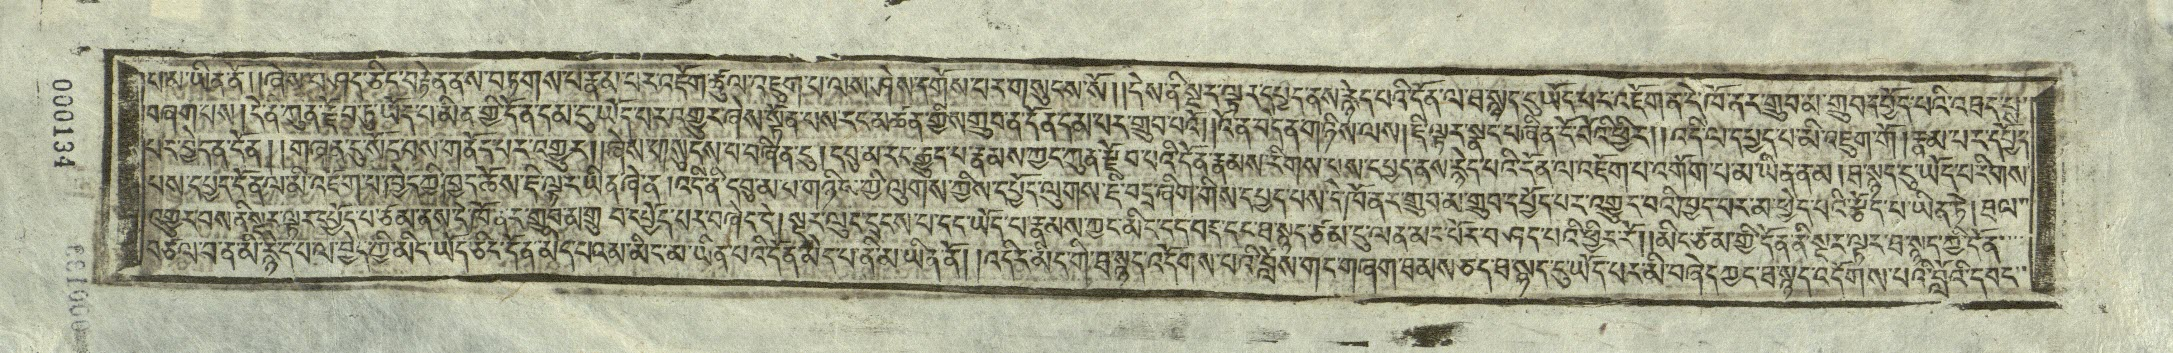པ་མ་ཡིན་ནོ། །ཞེས་བཤད་ཅིང་བརྟེན་ནས་བཏགས་པ་རྣམ་པར་འཇོག་ཚུལ་འཇུག་པ་ལས་ཤེས་དགོས་པར་གསུངས་སོ། །དེས་ནི་སྔར་ལྟར་དཔྱད་ནས་རྙེད་པའི་དོན་ལ་ཐ་སྙད་དུ་ཡོད་པར་འཇོག་ན་དེ་ཁོ་ནར་གྲུབ་མ་གྲུབ་དཔྱོད་པའི་འཐད་པས་
བཞག་པས། དེ་ནི་ཀུན་རྫོབ་ཏུ་ཡོད་པ་མིན་གྱི་དོན་དམ་དུ་ཡོད་པར་འགྱུར་ཞེས་སྟོན་པས་རང་མཚན་གྱིས་གྲུབ་ན་དོན་དམ་པར་གྲུབ་པའོ། །འོ་ན་བདེན་གཉིས་ལས། ཇི་ལྟར་སྣང་བཞིན་ངོ་བོའི་ཕྱིར། །འདི་ལ་དཔྱད་པ་མི་འཇུག་གོ ། རྣམ་པར་དཔྱོད་
པར་བྱེད་ན་དོན། །གཞན་དུ་སོང་བས་གནོད་པར་འགྱུར། །ཞེས་གསུངས་པ་བཞིན་དུ། དབུ་མ་རང་རྒྱུད་པ་རྣམས་ཀྱང་ཀུན་རྫོབ་པའི་དོན་རྣམས་རིགས་པས་དཔྱད་ནས་རྙེད་པའི་དོན་ལ་འཇོག་པ་འགོག་པ་མ་ཡིན་ནམ། ཐ་སྙད་དུ་ཡོད་པ་རིགས་
པས་དཔྱད་དོན་ལ་མི་འཇོག་པ་ཁྱེད་ཀྱི་ཁྱད་ཆོས་ཇི་ལྟར་ཡིན་ཞེ་ན། འདི་ནི་དབུ་མ་པ་གཉིས་ཀྱི་ལུགས་ཀྱིས་དཔྱོད་ལུགས་ཇི་འདྲ་ཞིག་གིས་དཔྱད་པས་དེ་ཁོ་ནར་གྲུབ་མ་གྲུབ་དཔྱོད་པར་འགྱུར་བའི་ཁྱད་པར་མ་ཕྱེད་པའི་རྩོད་པ་ཡིན་ཏེ། །ཐལ་
འགྱུར་བས་ནི་སྔར་ལྟར་དཔྱོད་པ་ཙམ་ནས་དེ་ཁོ་ནར་གྲུབ་མ་གྲུབ་དཔྱོད་པར་བཞེད་དེ། སྔར་ལུང་དྲངས་པ་དང་ཡོད་པ་རྣམས་ཀྱང་མིང་དང་བརྡ་དང་ཐ་སྙད་ཙམ་དུ་ལན་མང་པོར་བཤད་པའི་ཕྱིར་རོ། །མིང་ཙམ་གྱི་དོན་ནི་སྔར་ལྟར་ཐ་སྙད་ཀྱི་དོན་
བཙལ་བ་ན་མི་རྙེད་པ་ལ་བྱེད་ཀྱི་མིང་ཡོད་ཅིང་དོན་མེད་པའམ་མིང་མ་ཡིན་པའི་དོན་མེད་པ་ནི་མ་ཡིན་ནོ། །འདིར་མིང་གི་ཐ་སྙད་འདོགས་པའི་བློས་གང་གཞག་ཐམས་ཅད་ཐ་སྙད་དུ་ཡོད་པར་མི་བཞེད་ཀྱང་ཐ་སྙད་འདོགས་པའི་བློའི་དབང་